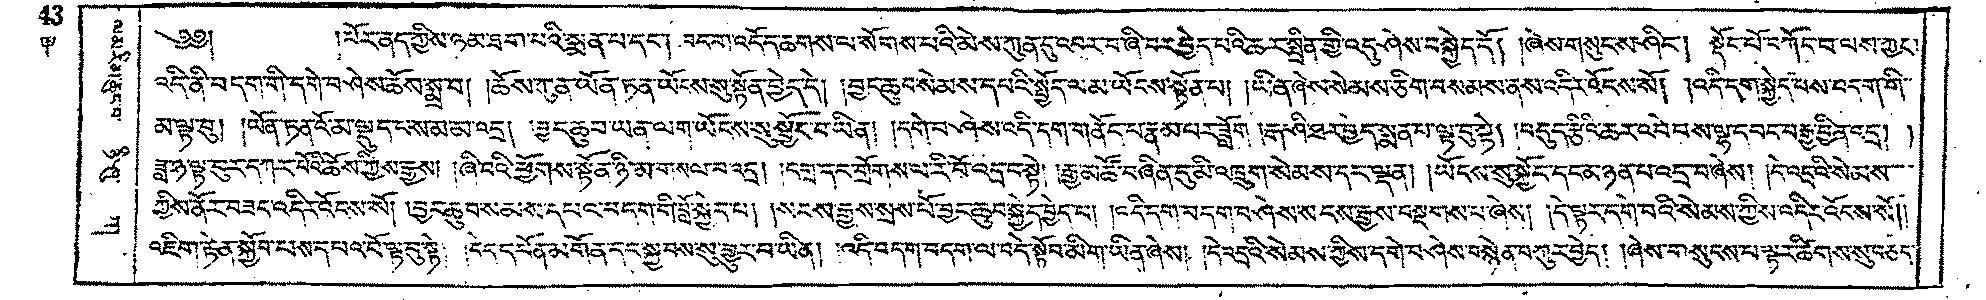༄༅། །པོར་ནད་ཀྱིས་ཉམ་ཐག་པའི་སྨན་པ་དང་། བདག་འདོད་ཆགས་ལ་སོགས་པའི་མེས་ཀུན་དུ་འབར་བ་ཞི་བར་བྱེད་པའི་ཆར་སྤྲིན་གྱི་འདུ་ཤེས་བསྐྱེད་དོ། །ཞེས་གསུངས་ཤིང་། སྡོང་པོ་བཀོང་བ་ལས་ཀྱང་།
འདི་ནི་བདག་གི་དགེ་བཤེས་ཆོས་སྨྲ་བ། །ཆོས་ཀུན་ཡོན་ཏན་ཡོངས་སུ་སྟོན་བྱེད་དེ། །བྱང་ཆུབ་སེམས་དཔའི་སྤྱོད་ལམ་ཡོངས་སྟོན་པ། །ཡིན་ཞེས་སེམས་ཅིག་བསམས་ནས་འདིར་འོངས་སོ། །འདི་དག་སྐྱེད་པས་བདག་གི་
མ་ལྟ་བུ། །ཡོན་ཏན་འོ་མ་ལྡུད་པས་མ་མ་འདྲ། །བྱང་ཆུབ་ཡན་ལག་ཡོངས་སུ་སྦྱོང་བ་ཡིན། །དགེ་བཤེས་འདི་དག་གནོད་པ་རྣམ་པར་ཟློག །རྒ་ཤི་ཐར་བྱེད་སྨན་པ་ལྟ་བུ་སྟེ། །བདུད་རྩིའི་ཆར་འབེབས་ལྷ་དབང་བརྒྱ་བྱིན་འདྲ། །
ཟླ་ཉ་ལྟ་བུར་དཀར་པོའི་ཆོས་ཀྱིས་རྒྱས། །ཞི་བའི་ཕྱོགས་སྟོན་ཉི་མ་གསལ་བ་འདྲ། །དགྲ་དང་གྲོགས་ལ་རི་བོ་འདྲ་བ་སྟེ། །རྒྱ་མཚོ་བཞིན་དུ་མི་འཁྲུག་སེམས་དང་ལྡན། །ཡོངས་སུ་སྐྱོང་དང་མཉན་པ་འདྲ་བ་ཞེས། །དེ་འདྲའི་སེམས་
ཀྱིས་ནོར་བཟང་འདིར་འོངས་སོ། །བྱང་ཆུབ་སམས་དཔའ་བདག་གི་བློ་སྐྱེད་པ། །སངས་རྒྱས་སྲས་པོ་བྱང་ཆུབ་སྐྱེད་བྱེད་པ། །འདི་དག་བདག་བཤེས་སངས་རྒྱས་བསྔགས་པ་ཞེས། །དེ་ལྟར་དགེ་བའི་སེམས་ཀྱིས་འདིར་འོངས་སོ།།
འཇིག་རྟེན་སྐྱོབ་པས་དཔའ་བོ་ལྟ་བུ་སྟེ། །དེད་དཔོན་མགོན་དང་སྐྱབས་སུ་གྱུར་པ་ཡིན། །འདི་བདག་བདག་ལ་བདེ་སྟོབ་མིག་ཡིན་ཞེས། །དེ་འདྲའི་སེམས་ཀྱིས་དགེ་བཤེས་བསྙེན་བཀུར་བྱེད། །ཞེས་གསུངས་པ་ལྟར་ཚིགས་སུ་བཅད་